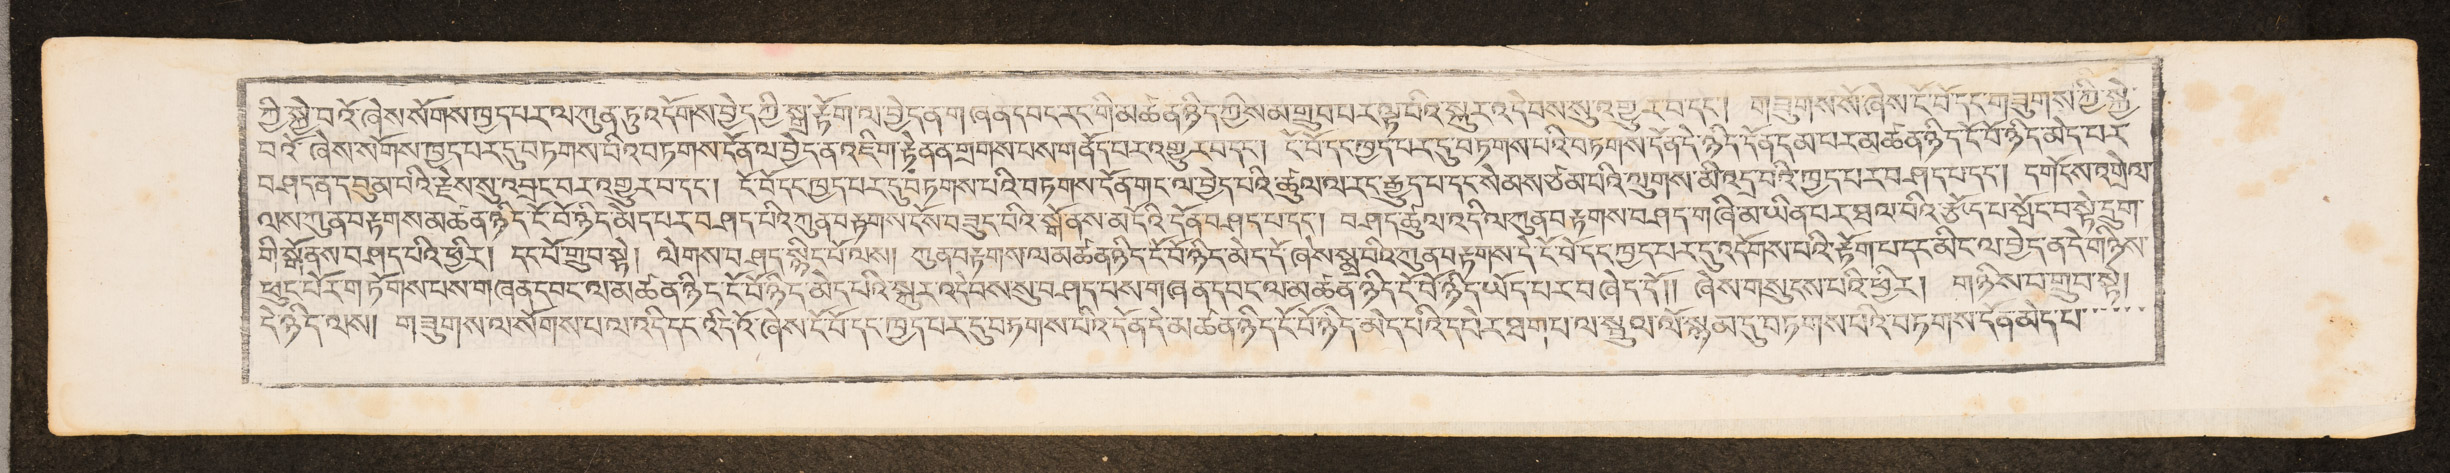ཀྱི་སྐྱེ་བའོ་ཞེས་སོགས་ཁྱད་པར་ལ་ཀུན་ཏུ་འདོགས་བྱེད་ཀྱི་སྒྲ་རྟོག་ལ་བྱེད་ན་གཞན་དབང་རང་གི་མཚན་ཉིད་ཀྱིས་མ་གྲུབ་པར་ལྟ་བའི་སྐུར་འདེབས་སུ་འགྱུར་བ་དང་། གཟུགས་སོ་ཞེས་ངོ་བོ་དང་གཟུགས་ཀྱི་སྐྱེ་
བའོ་ཞེས་སོགས་ཁྱད་པར་དུ་བཏགས་པའི་བཏགས་དོན་ལ་བྱེད་ན་འཇིག་རྟེན་ན་གྲགས་པས་གནོད་པར་འགྱུར་བ་དང་། ངོ་བོ་དང་ཁྱད་པར་དུ་བཏགས་པའི་བཏགས་དོན་དེ་ཉིད་དོན་དམ་པར་མཚན་ཉིད་ངོ་བོ་ཉིད་མེད་པར་
བཤད་ན་དབུམ་པའི་རྗེས་སུ་འབྲང་བར་འགྱུར་བ་དང་། ངོ་བོ་དང་ཁྱད་པར་དུ་བཏགས་པའི་བཏགས་དོན་གང་ལ་བྱེད་པའི་ཚུལ་ལ་རང་རྒྱུད་པ་དང་སེམས་ཙམ་པའི་ལུགས་མི་འདྲ་བའི་ཁྱད་པར་བཤད་པ་དང་། དགོངས་འགྲེལ་
ལས་ཀུན་བརྟགས་མཚན་ཉིད་ངོ་བོ་ཉིད་མེད་པར་བཤད་པའི་ཀུན་བརྟགས་ངོས་བཟུང་བའི་སྒོ་ནས་མདོའི་དོན་བཤད་པ་དང་། བཤད་ཚུལ་འདི་ལ་ཀུན་བརྟགས་བཤད་གཞི་མ་ཡིན་པར་ཐལ་བའི་རྩོད་པ་སྤོང་བ་སྟེ་དྲུག་
གི་སྒོ་ནས་བཤད་པའི་ཕྱིར། དང་པོ་གྲུབ་སྟེ། ལེགས་བཤད་སྙིང་པོ་ལས། ཀུན་བརྟགས་ལ་མཚན་ཉིད་ངོ་བོ་ཉིད་མེད་དོ་ཞེས་སྨྲ་བའི་ཀུན་བརྟགས་དེ་ངོ་བོ་དང་ཁྱད་པར་དུ་འདོགས་པའི་རྟོག་པ་དང་མིང་ལ་བྱེད་ན་དེ་གཉིས་
ཕུང་པོར་གཏོགས་པས་གཞན་དབང་ལ་མཚན་ཉིད་ངོ་བོ་ཉིད་མེད་པའི་སྐུར་འདེབས་སུ་བཤད་པས་གཞན་དབང་ལ་མཚན་ཉིད་ངོ་བོ་ཉིད་ཡོད་པར་བཞེད་དོ།། ཞེས་གསུངས་པའི་ཕྱིར། གཉིས་པ་གྲུབ་སྟེ།
དེ་ཉིད་ལས། གཟུགས་ལ་སོགས་པ་ལ་འདི་དང་འདིའོ་ཞེས་ངོ་བོ་དང་ཁྱད་པར་དུ་བཏགས་པའི་དོན་དེ་མཚན་ཉིད་ངོ་བོ་ཉིད་མེད་པའི་དཔེར་ཐག་པ་ལ་སྦྲུལ་ལོ་སྙམ་དུ་བཏགས་པའི་བཏགས་དོན་མེད་པ་